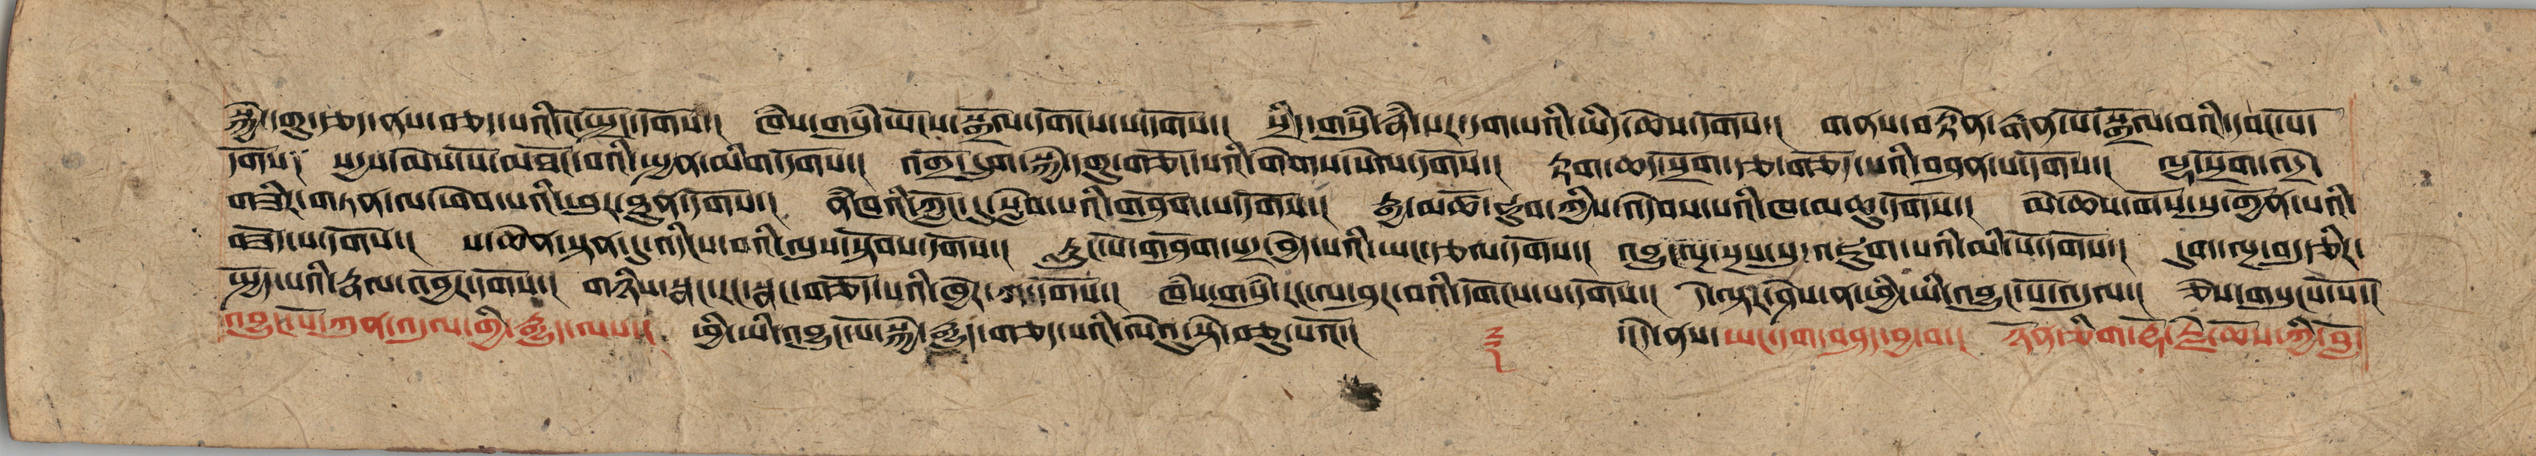སྐྱེ་དགུ་རྩད་ནས་བཅད་པའི་ངོ་སྤྲོད་དགོས་། ཁཾས་གསུཾ་ཡོངས་སྒྲོལ་དགོངས་པ་དགོས་། སྲིད་གསུཾ་རྣཾ་པར་དག་པའི་ཡིད་ཆེས་དགོས་། གནས་བརྟེན་རྒན་པོ་སྒྲོལ་བའི་དབང་པོ་
དགོས༑ སདྱས་མེས་པོ་མཐོང་བའི་སྤྱན་མིག་དགོས་། འགྲོ་དྲུག་སྐྱེ་དགུ་གཅོད་པའི་གེགས་སེལ་དགོས་། རྟག་ཆད་སྲོག་རྩ་གཅོད་པའི་བཤན་པ་དགོས་། ལྷ་སྲོག་འདྲེ་
གཟིར་གཏན་ལ་ཕེབ་པའི་ཕུར་ཐུན་དགོས་། ནཾཁའི་ཀློང་དུ་སླེབ་པའི་གཤོག་པ་དགོས་། རྒྱ་མཚོ་ཧུབ་ཀྱིས་འདེབས་པའི་ཁ་མཆུ་དགོས་། མེ་ཆེས་གོས་སུ་གྱོན་པའི་
བཟོད་པ་དགོས་། ས་ཆེན་སྟན་དུ་འདིངས་བའི་ལུས་སྟོབས་དགོས་། རླུང་པོ་གཤོག་པར་བྱེད་པའི་ཡང་རྩལ་དགོས་། འབྱུང་ལྔ་སྔས་སུ་འཇུག་པའི་མི་སོ་དགོས་། དུག་ལྔ་བདུདཅིར་
སྤྱོད་པའི་རྣལ་འབྱོར་དགོས་། གཉིས་སྣང་རང་སྣང་གཅོད་པའི་ཁྱེར་ཀ་དགོས་། ཁཾས་གསུཾ་རང་ལ་ཤར་བའི་དགོངས་པ་དགོས་། དེ་ལྟར་ཤེས་ན་ཕྱི་ཡི་འབྱུང་པོ་འདུལ་། ཅེས་གསུངས་སོ་།
འབྱུང་པོ་ཀུན་འདུལ་གྱི་རྒྱུད་ལས་། ཕྱི་ཡི་འབྱུང་པོ་སྐྱེ་རྒྱུད་གཅད་པའི་ལེའུ་སྟེ་བཅུ་པའོ་། ༈ ་།དེ་ནས་ཡང་དག་བཤད་བྱ་བ་། ཉོན་ཅིག་རྡོ་རྗེ་ཆོས་ཀྱི་བློ་